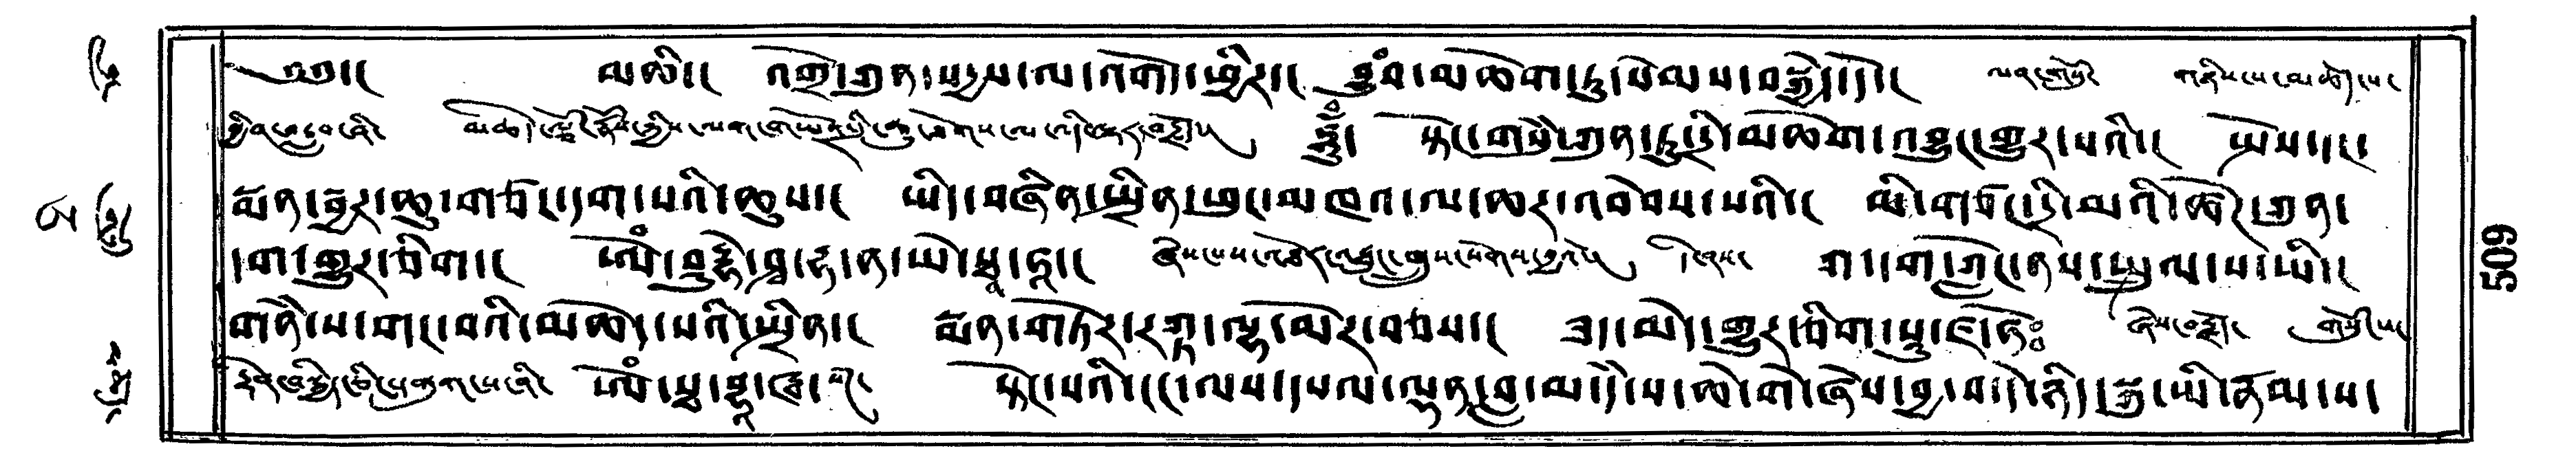མཆི༔ འགྲོ་ཀུན་སངས་རྒྱས་ལ་འགོད་ཕྱིར༔ བྱང་ཆུབ་མཆོག་ཏུ་སེམས་བསྐྱེད་དོ༔ ལན་གསུམ གཉིས་པ་མཆོད་པ་
བྱིན་བརླབ་ནི། མཆེད་ལྕམ་རྣམས་ཀྱིས་ལག་གཡོན་དྲི་ཆུ་ཐོགས་ལ་འདི་ལྟར་བརྗོད ། ཧཱུྃ། སྟོང་གསུམ་ཀུན་ཏུ་དྲི་མཆོག་འབྱུང་གྱུར་པའི། སྤོས་དང་
སྨན་སྦྱར་ཆུ་གཙང་དག་པའི་ཆུས། ཡིད་བཞིན་སྤྲིན་ཕུང་མཁའ་ལ་ཆར་འབེབས་པའི། མི་གཙང་དྲི་མའི་ཚོགས་ཀུན་
དག་གྱུར་ཅིག། ཨོཾ་ཤུདྡྷི་ཤྭ་དྷ་ན་ཡེ་སྭ་ཧཱ། ཞེས་པས་འཐོར་འཐུང་ཁྲུས་སོགས་བྱའོ། དེ་ནས། ཀ་དག་ཀློང་ནས་སྤྲུལ་པ་ཡི༔ 
གནམ་ས་གང་བའི་མཆོད་པའི་སྤྲིན༔ སྨན་གཏོར་རཀྟ་ལྷ་མོར་བཅས༔ ཟད་མེད་གྱུར་ཅིག་པཱུ་ཛ་ཧོཿ ཞེས་བརྗོད། གསུམ་པ་
རྟེན་བསྐྱེད་ཅིང་དགུག་པ་ནི། ཨོཾ་སྭ་བྷཱ་ཝ་སོགས། སྟོང་པའི་ངང་ལས་དཔལ་ལྡན་བླ་མ་དམ་པ་ཆེ་གེ་ཞེས་བྱ་བ་དེ་ཉིད་སྐུ་ཡི་རྣམ་པ་